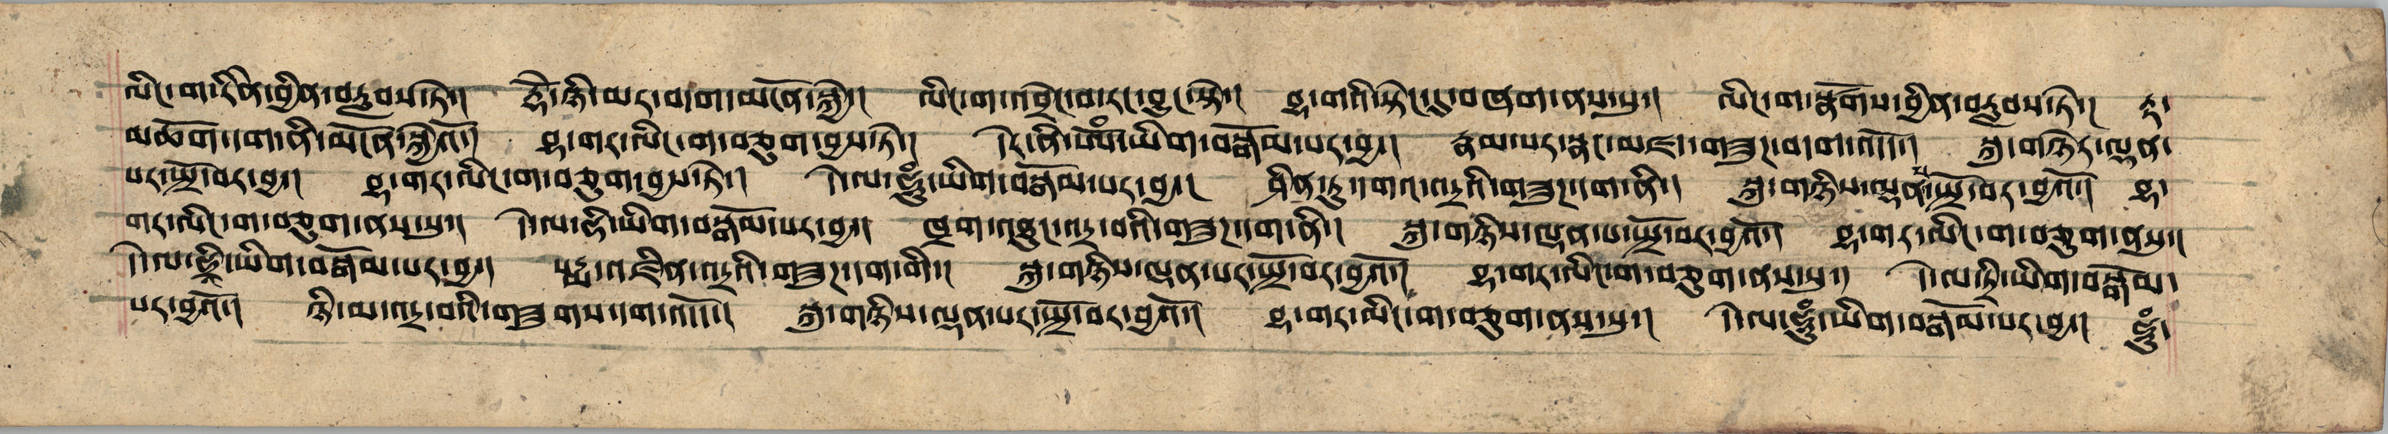ལིང་ག་རིནེ་བྱིན་བརླབས་ཏེ་། རྡོེ་ཉི་མར་བདག་མངོན་སྐྱེ་། ལིང་ག་འབྲེང་བ་རང་བྱུང་སྟེ་། བྷ་གའི་སྟེང་དུ་བཞག་ནས་སུ་། ལིང་ག་སྣཚོགས་བྱིན་བརླབས་ཏེ་། རྟ་
མཆོག་དག་ནི་མངོན་སྐྱེའོ་། བྷ་གར་ལིང་ག་བཅུག་བྱས་ཏེ་། དེར་ནི་ཨོཾ་ཡིག་བསྒོམ་པར་བྱ་། རྣམ་པར་སྣང་མཛད་གཟུཌ་བདག་འདོད་། སྐུ་གཉེར་ལྡན་
པར་སྤྲོ་བར་བྱ་། བྷ་གར་ལིང་ག་བཅུག་བྱས་ཏེ་། དེ་ལ་ཧཱུྃ་ཡིག་བསྒོམ་པར་བྱ་། ཤིན་ཏུ་དགའ་འདྲའི་གཟུཌ་དག་ནི་། སྐུ་གཉིས་ལྡན་པ་སྤྲོ་བར་བྱའོ་། བྷ་
གར་ལིང་ག་བཅུག་ནས་སུ་། དེ་ལ་ཧི་ཡིག་བསྒོམ་པར་བྱ་། ཁྲག་འཐུང་འདྲ་བའི་གཟུཌ་དག་ནི་། སྐུ་གཉིས་ལྡན་པ་སྤྲོ་བར་བྱའོ་། བྷ་གར་ལིང་ག་བཅུག་ནསུ་།
དེ་ལ་ཧྲཱི་ཡིག་བསྒོམ་པར་བྱ་། པདྨ་འཛིན་འདྲའི་གཟུཌ་དག་གི་། སྐུ་གཉིས་ལྡན་པར་སྤྲོ་བར་བྱའོ་། བྷ་གར་ལིང་ག་བཅུག་ནས་སུ་། དེ་ལ་ཏྲི་ཡིག་བསྒོམ་
པར་བྱའོ་། ཉི་མ་འདྲ་བའི་གཟུགས་དག་འདོད་། སྐུ་གཉིས་ལྡན་པར་སྤྲོ་བར་བྱའོ་། བྷ་གར་ལིང་ག་བཅུག་ནས་སུ་། དེ་ལ་ཧཱུཾ་ཡིག་བསྒོམ་པར་བྱ་། ཧཱུཾ་